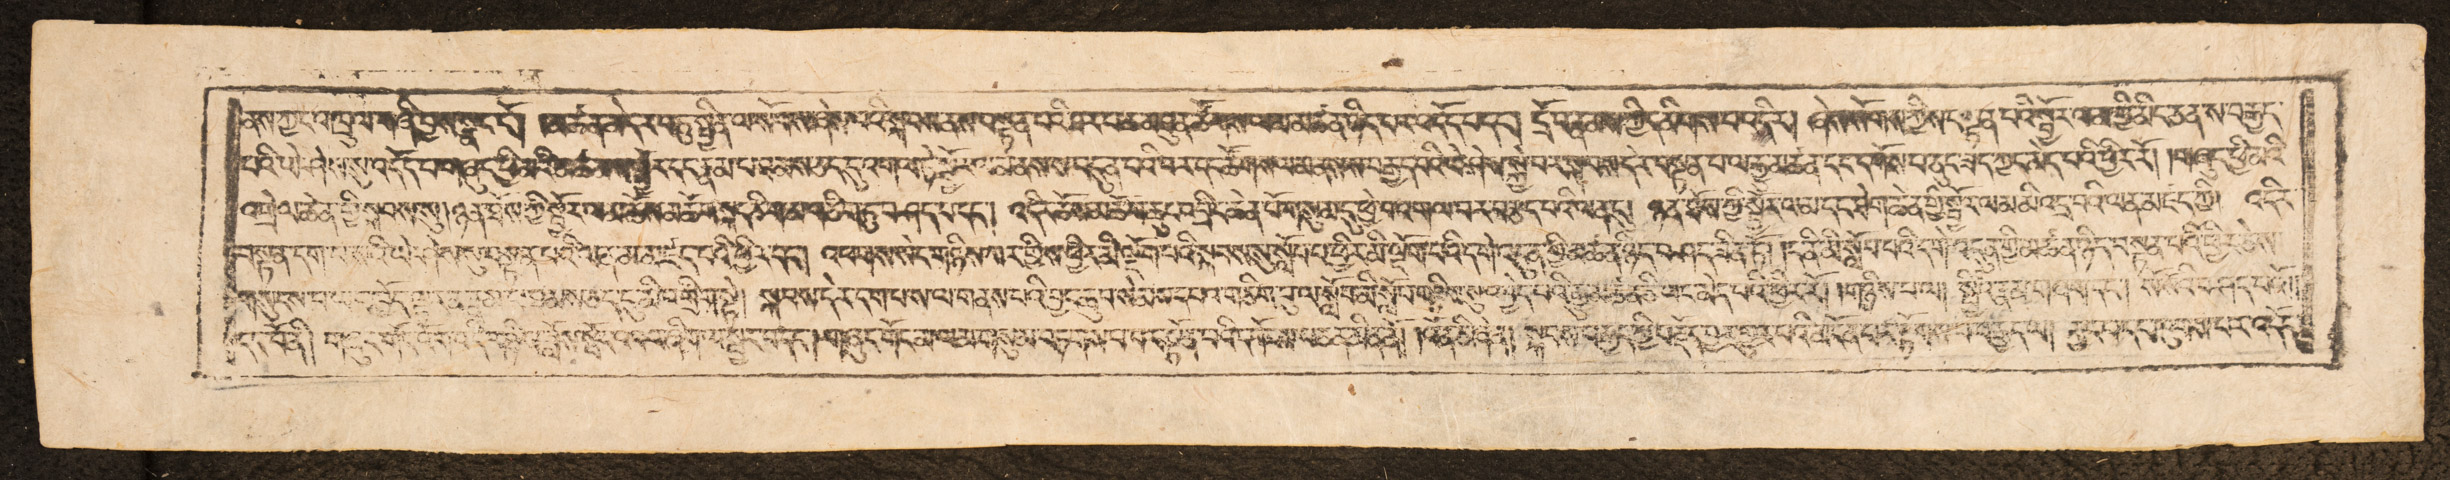ནས་ཀྱང་འཁྲུལ་གཞི་བྱས་སྣང་ངོ། །མཚན་མེད་རབ་ཏུ་སྦྱིན་ལ་སོགས་ཞེས་པའི་སྐབས་ནས་བསྟན་པའི་ཐར་པ་ཆ་མཐུན་ཚོགས་ལམ་མཚན་ཉིད་པར་འདོད་པ་དང་། དྲོ་བ་རྣམས་ཀྱི་དམིགས་པ་འདིར། ཞེས་སོགས་ཀྱིས་བསྟན་པའི་སྦྱོར་ལམ་གྱི་མིང་ཅན་ས་བརྒྱད་
པའི་ཡེ་ཤེས་སུ་འདོད་པ་གཞུང་ཕྱི་མའི་མཚམས་སྦྱོར་དང་རྣམ་པ་ཐམས་ཅད་དུ་འགལ་ཏེ་སྦྱོར་ལམ་ནས་ས་བདུན་པའི་བར་དང་ཚོགས་ལམ་ནས་ས་བརྒྱད་པའི་ཡེ་ཤེས་སྐྱེ་བར་སྐབས་དེར་བསྟན་པ་ལ་རྒྱུ་མཚན་དང་དགོས་པ་ཅུང་ཟད་ཀྱང་མེད་པའི་ཕྱིར་རོ། །གཞུང་ཕྱི་མའི་
འགྲེལ་ཆེན་གྱི་སྐབས་སུ། ཉན་ཐོས་ཀྱི་སྦྱོར་ལམ་ཆོས་མཆོག་སྐད་ཅིག་མ་གཅིག་ཏུ་བཤད་པ་དང་། འདིར་ཆོས་མཆོག་ཆུང་འབྲིང་ཆེན་པོ་གསུམ་དུ་ཕྱེ་བ་འགལ་བར་བརྩད་པའི་ལན་དུ། ཉན་ཐོས་ཀྱི་སྦྱོར་ལམ་དང་ཐེག་ཆེན་གྱི་སྦྱོར་ལམ་མི་འདྲ་བའི་ལན་མཛད་ཀྱི། འདིར་
བསྟན་དག་པ་སའི་ཡེ་ཤེས་སུ་བསྟན་པའི་ལན་མ་མཛད་པའི་ཕྱིར་དང་། འཕགས་སེང་གཉིས་ཀར་གྱིས་ཕྱིར་མི་ལྡོག་པའི་སྐབས་སུ་སློབ་པ་ཕྱིར་མི་ལྡོག་པའི་དགེ་འདུན་གྱི་མཚན་ཉིད་བཤད་ཟིན་ཏོ། །ད་ནི་མི་སློབ་པའི་དགེ་འདུན་གྱི་མཚན་ཉིད་བསྟན་པའི་ཕྱིར་ཅེས་
གསུངས་པ་ཡང་ཁྱོད་ལྟར་ན་རྣམ་པ་ཐམས་ཅད་དུ་མི་འགྲིག་སྟེ། སྐབས་དེར་དག་པ་ས་ལ་གནས་པའི་བྱང་ཆུབ་སེམས་དཔའ་གཅིག་པུ་ལ་སློབ་མི་སློབ་གཉིས་སུ་འབྱེད་པའི་རྒྱུ་མཚན་ཅི་ཡང་མེད་པའི་ཕྱིར་རོ། །གཉིས་པ་ལ། སྤྱིའི་རྣམ་གཞག་དང་། སོ་སོའི་བཤད་པའོ།།
དང་པོ་ནི། གཞུང་གོང་འོག་འདི་གཉིས་ཟློས་སྤོང་འབའ་ཞིག་ལ་སྦྱར་བ་དང་། གཞུང་གོང་མ་ལམ་གསུམ་བཏགས་པ་བར་སྟོན་པའི་རྡྒོངས་པ་ཅན་མིན་ནོ། །འོན་ཅི་ཞེ་ན། སྐབས་བརྒྱད་ཀྱི་བརྗོད་བྱར་གྱུར་པའི་མངོན་པར་རྟོགས་པ་བརྒྱད་ལ། རྐྱང་པ་དང་ཁུགས་པར་འདོད་